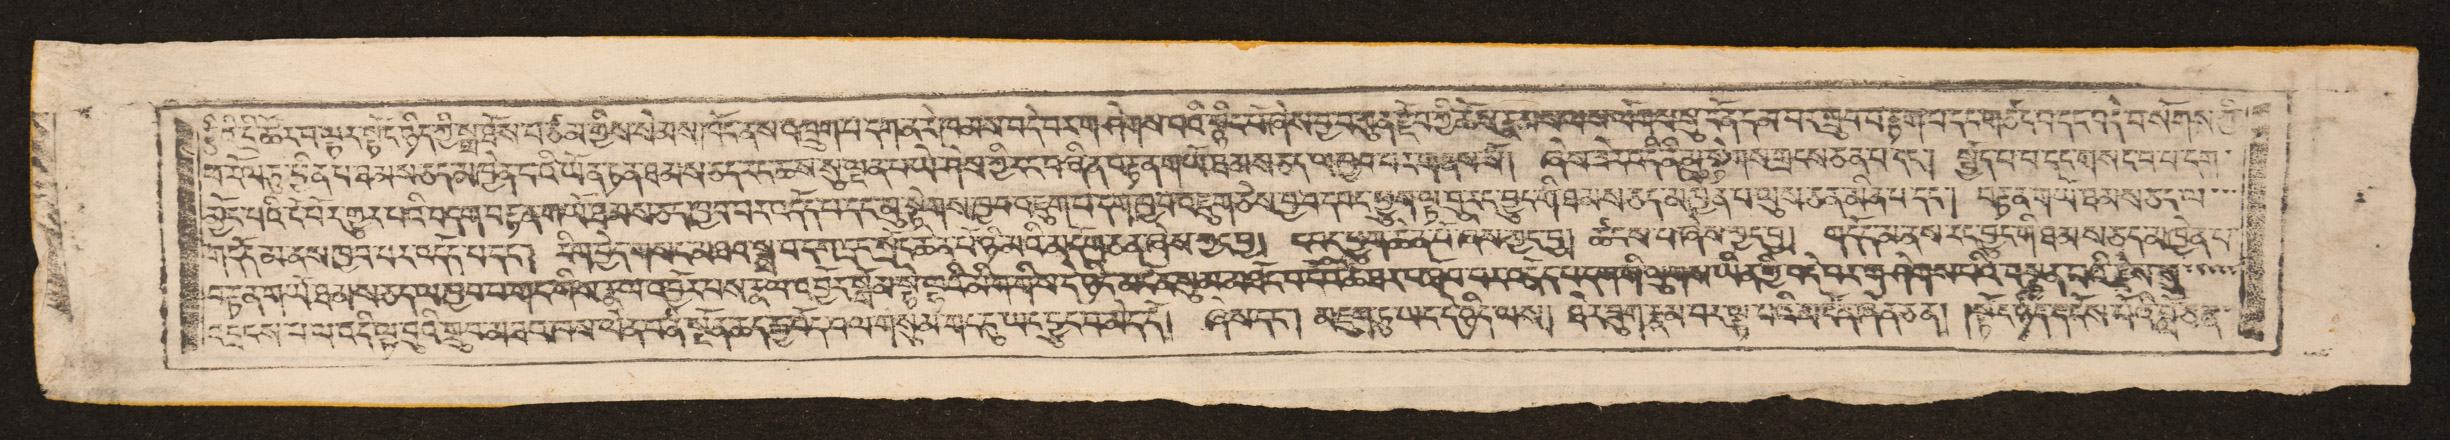རྩིའི་དྲི་ཚོར་བ་ལྟར་སྟོང་ཉིད་ཀྱི་སྒྲ་ཐོས་པ་ཙམ་གྱིས་སེམས་ཁོང་ནས་འཁྲུག་པ་དག་ན་རེ་ཁམས་བདེ་བར་གཤེགས་པའི་སྙིང་པོ་ཞེས་བྱ་བ་ཀུན་རྫོབ་ཀྱི་ཆོས་རྣམས་ལས་ལོགས་སུ་དོན་དམ་པར་གྲུབ་པ་རྟག་པ་དང་གཙང་བ་དང་བདེ་བ་སོགས་ཀྱི་
ཕ་རོལ་ཏུ་ཕྱིན་པ་ཐམས་ཅད་མཁྱེན་པའི་ཡོན་ཏན་ཐམས་ཅད་རང་ཆས་སུ་ལྡན་པ་ཡེ་ཤེས་ཀྱི་རང་བཞིན་བརྟན་གཡོ་ཐམས་ཅད་ལ་ཁྱབ་པར་གནས་སོ། ཞེས་ཟེར་འདི་ནི་མུ་སྟེགས་གྲངས་ཅན་པ་དང༑ སྤྱོད་པ་བ་དང་གསང་བ་པ་དག་
མྱོང་པའི་ངོ་བོར་གྱུར་པའི་བདག་བརྟན་གཡོ་ཐམས་ཅད་ཁྱབ་པར་འདོད་པ་དང་མུ་སྟེགས་ཁྱབ་འཇུག་པ་དག་ཁྱབ་འཇུག་ཅེས་བྱ་བ་དབང་ཕྱུག་ལྟ་བུ་རང་བྱུང་གི་ཐམས་ཅད་མཁྱེན་པ་ལུས་ཅན་མིན་པ་དང་། བརྟན་གཡོ་ཐམས་ཅད་ལ་
གདོད་མ་ནས་ཁྱབ་པར་འདོད་པ་དང་། རིག་བྱེད་གསང་མཐའ་སྨྲ་བ་དག་དྲང་སྲོད་ཆེན་པོ་ཉི་མའི་མདོག་ཅན་ཞེས་ཀྱང་བྱ། དབང་ཕྱུག་ཆེན་པོ་ཞེས་ཀྱང་བྱ། ཚངས་པ་ཞེས་ཀྱང་བྱ། གདོད་མནས་རང་བྱུང་གི་ཐམས་ཅད་མཁྱེན་པ་
བརྟན་གཡོ་ཐམས་ཅད་ལ་ཁྱབ་པ་གང་གིས་རྣལ་འབྱོར་པས་རྣལ་འབྱོར་སྒོམ་སྟེ་ལྷའི་མིག་གིས་དེ་ཉིད་མངོན་སུམ་མཐོང་བ་དེའི་ཚེ་ཐར་པ་ཐོབ་པར་འདོད་པ་དག་གི་ལུགས་ཡིན་གྱི་བདེ་བར་གཤེགས་པའི་བསྟན་པའི་རྗེས་སུ་
འདྲངས་པ་ལ་འདི་ལྟ་བུའི་གྲུབ་མཐའ་ཁས་ལེན་པ་ནི་སྔོན་ཆད་རྒྱ་བོད་བལ་གསུམ་གང་དུ་ཡང་བྱུང་བ་མེད་དོ། ཞེས་དང་། མཇུག་ཏུ་ཡང་དེ་ཉིད་ལས། ཐེར་ཟུག་རྣམ་པར་ལྟ་པའི་མངོན་ཞེན་ཅན། །སྟོང་ཉིད་དངོས་པོའི་བློ་ཅན་